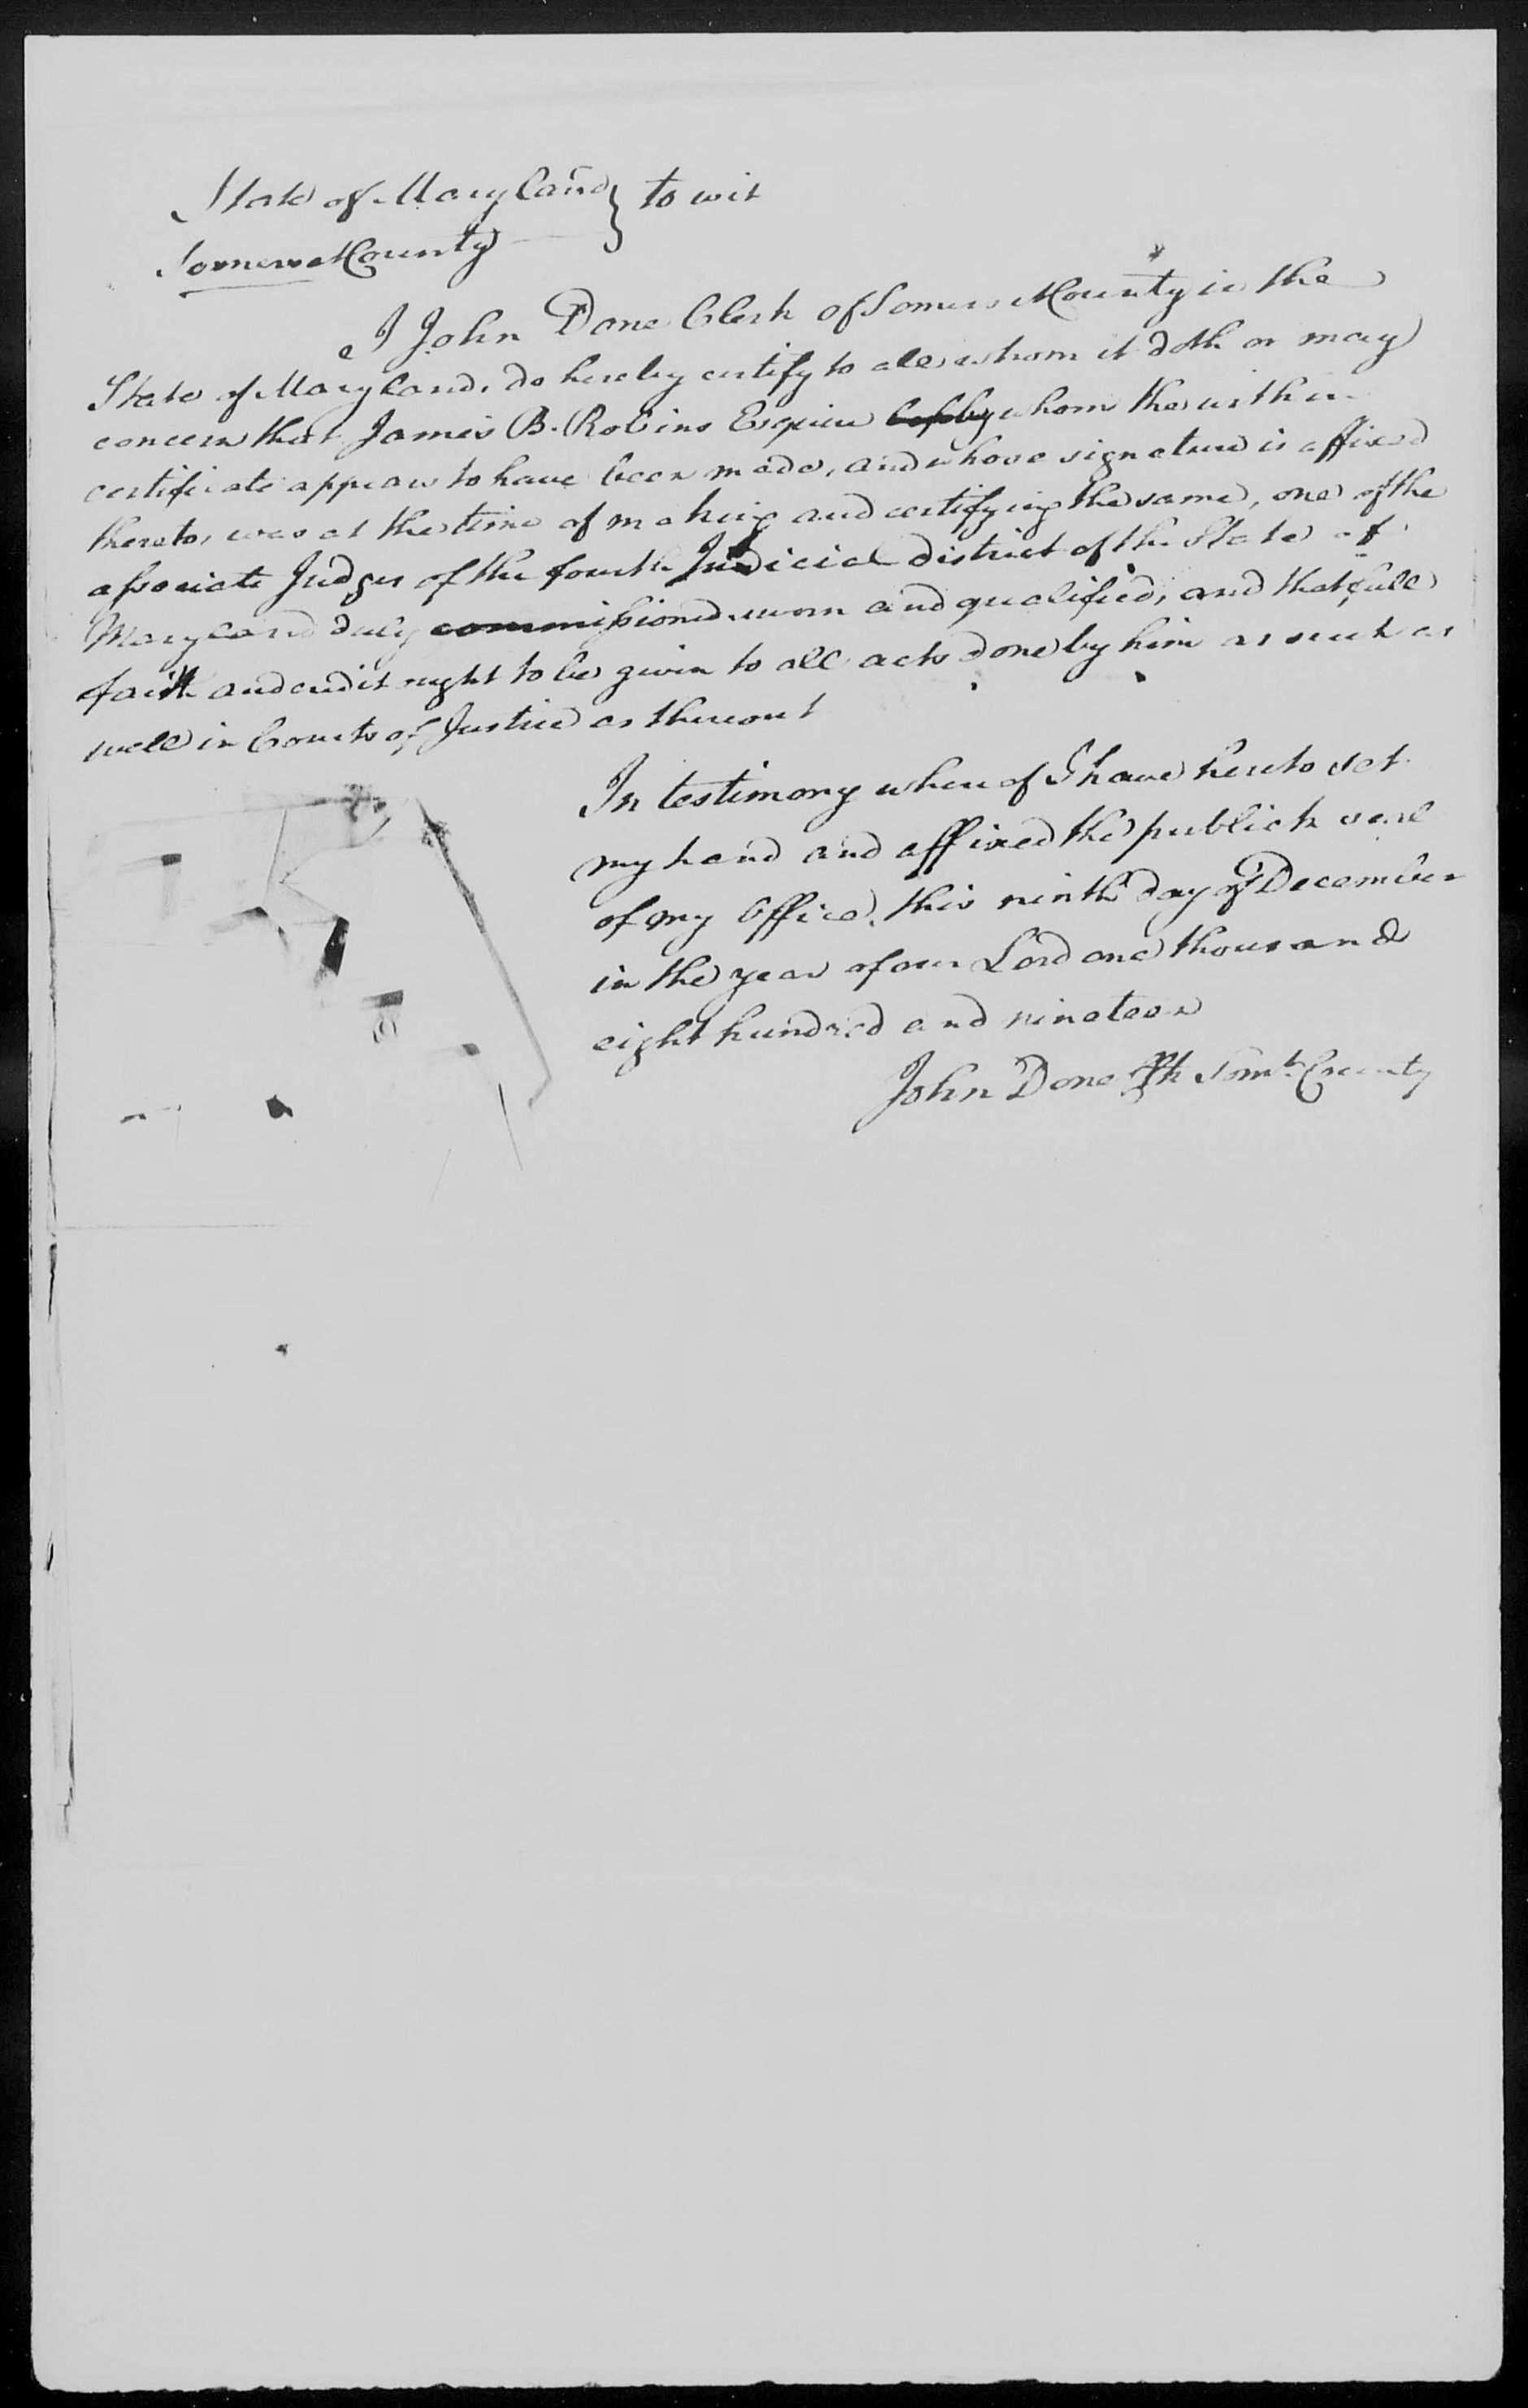State of Maryland
Somerset County [bracket followed by "to wit"]

I John Done Clerk of Somerset County in the State of Maryland do hereby certify to all as whom it both as may concern that James B. Robins [?Esquire] [scratched out name] whom this within certificate appears to have been made, and above signature is affixed thereto, was at the time of making and certifying the same, one of the associate Judges of the Court in Judicial district of this State of Maryland duly commissioned sworn and qualified, and that full faith and credit ought to be given to all acts done by him well in Course of Justice as thereout.
In testimony whereof I have hereto set my hand and affixed the [? publish and] of my office this ninth day of December in the year of our Lord and thousand eight hundred and nineteen.
John Done of the Somt County
[partial stamp or seal with no legible words or numbers]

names: John Done, James B Robins, John Dons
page: 14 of 18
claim: survivor's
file: S. 34654, Jacob Blake, Md.